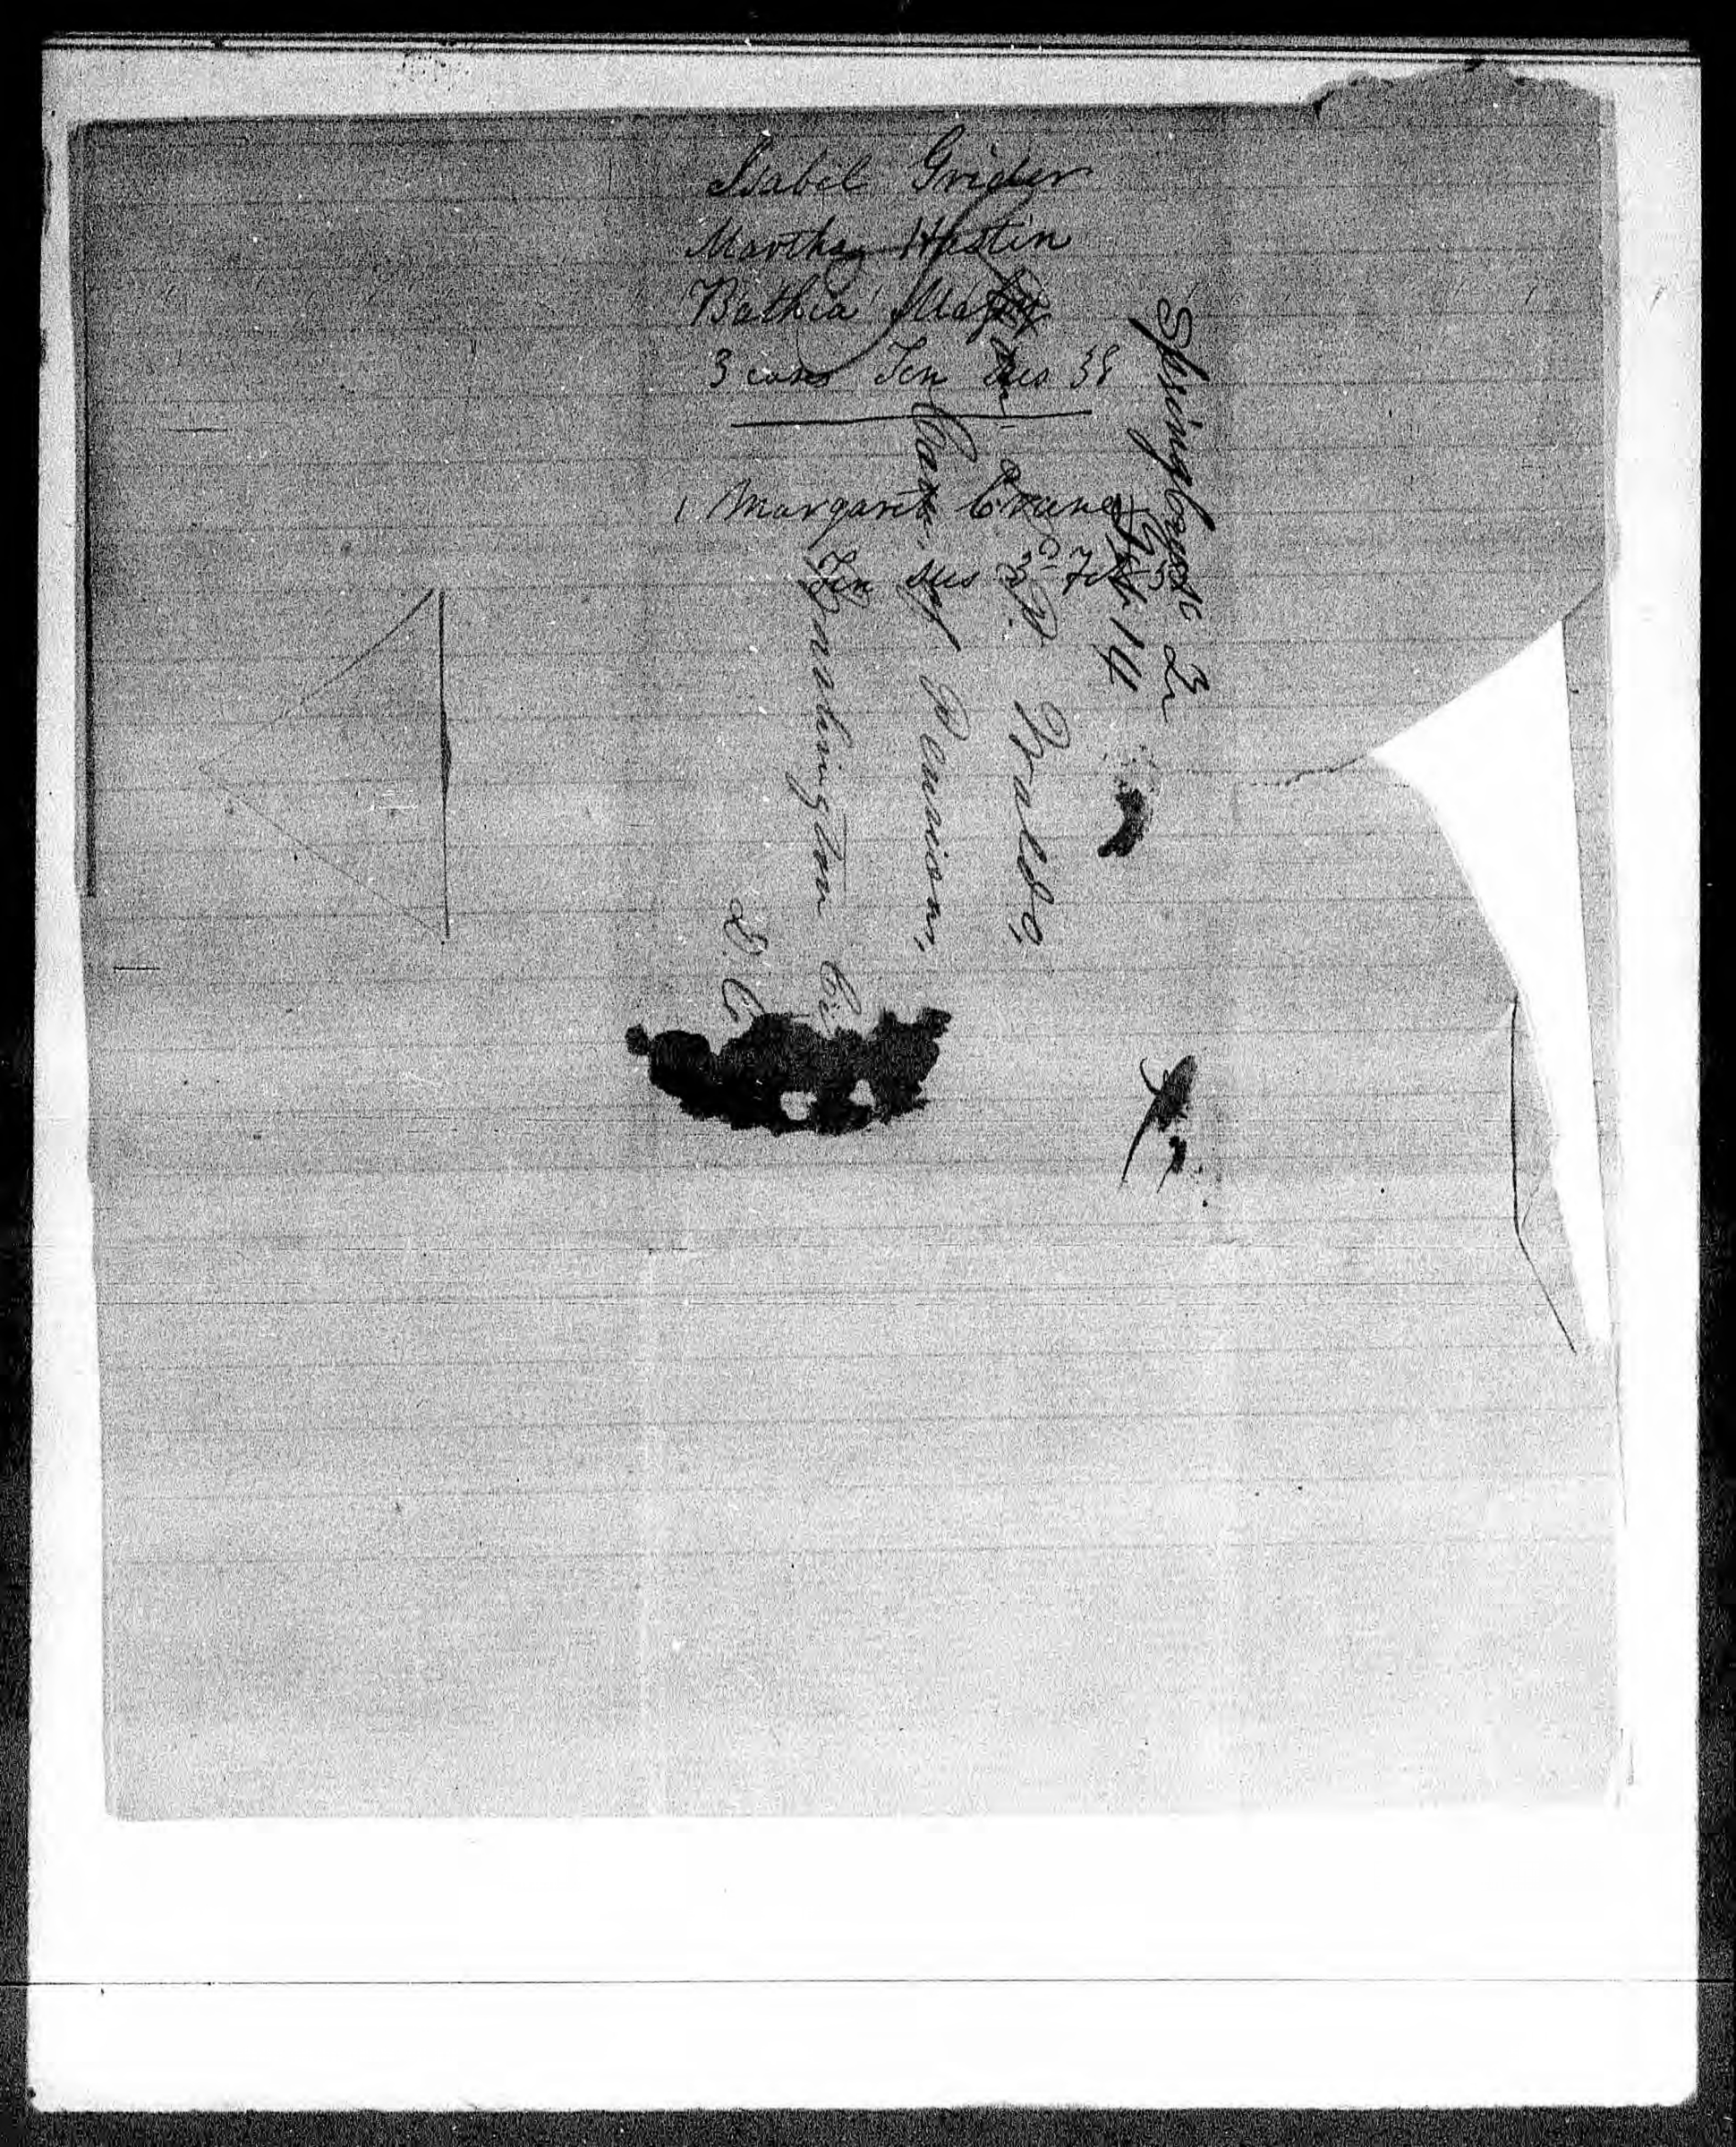Isabel Grider
Martha Hastin
Bathia Massey
3 cases Ten [illegible] 38

Margaret Evans
Ten Suspects 3rd Feb

[Written as on envelope]
Spring creek Tn
[illegible] 14

L.P. Waldo
Comm. Of Pensions
Wahsington CIty
DC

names: Martha Hastin, Bathia Massey, Margaret Evans, Isabel Grider, L P Waldo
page: 43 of 91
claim: widow's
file: W 358, John Grider, N.C.